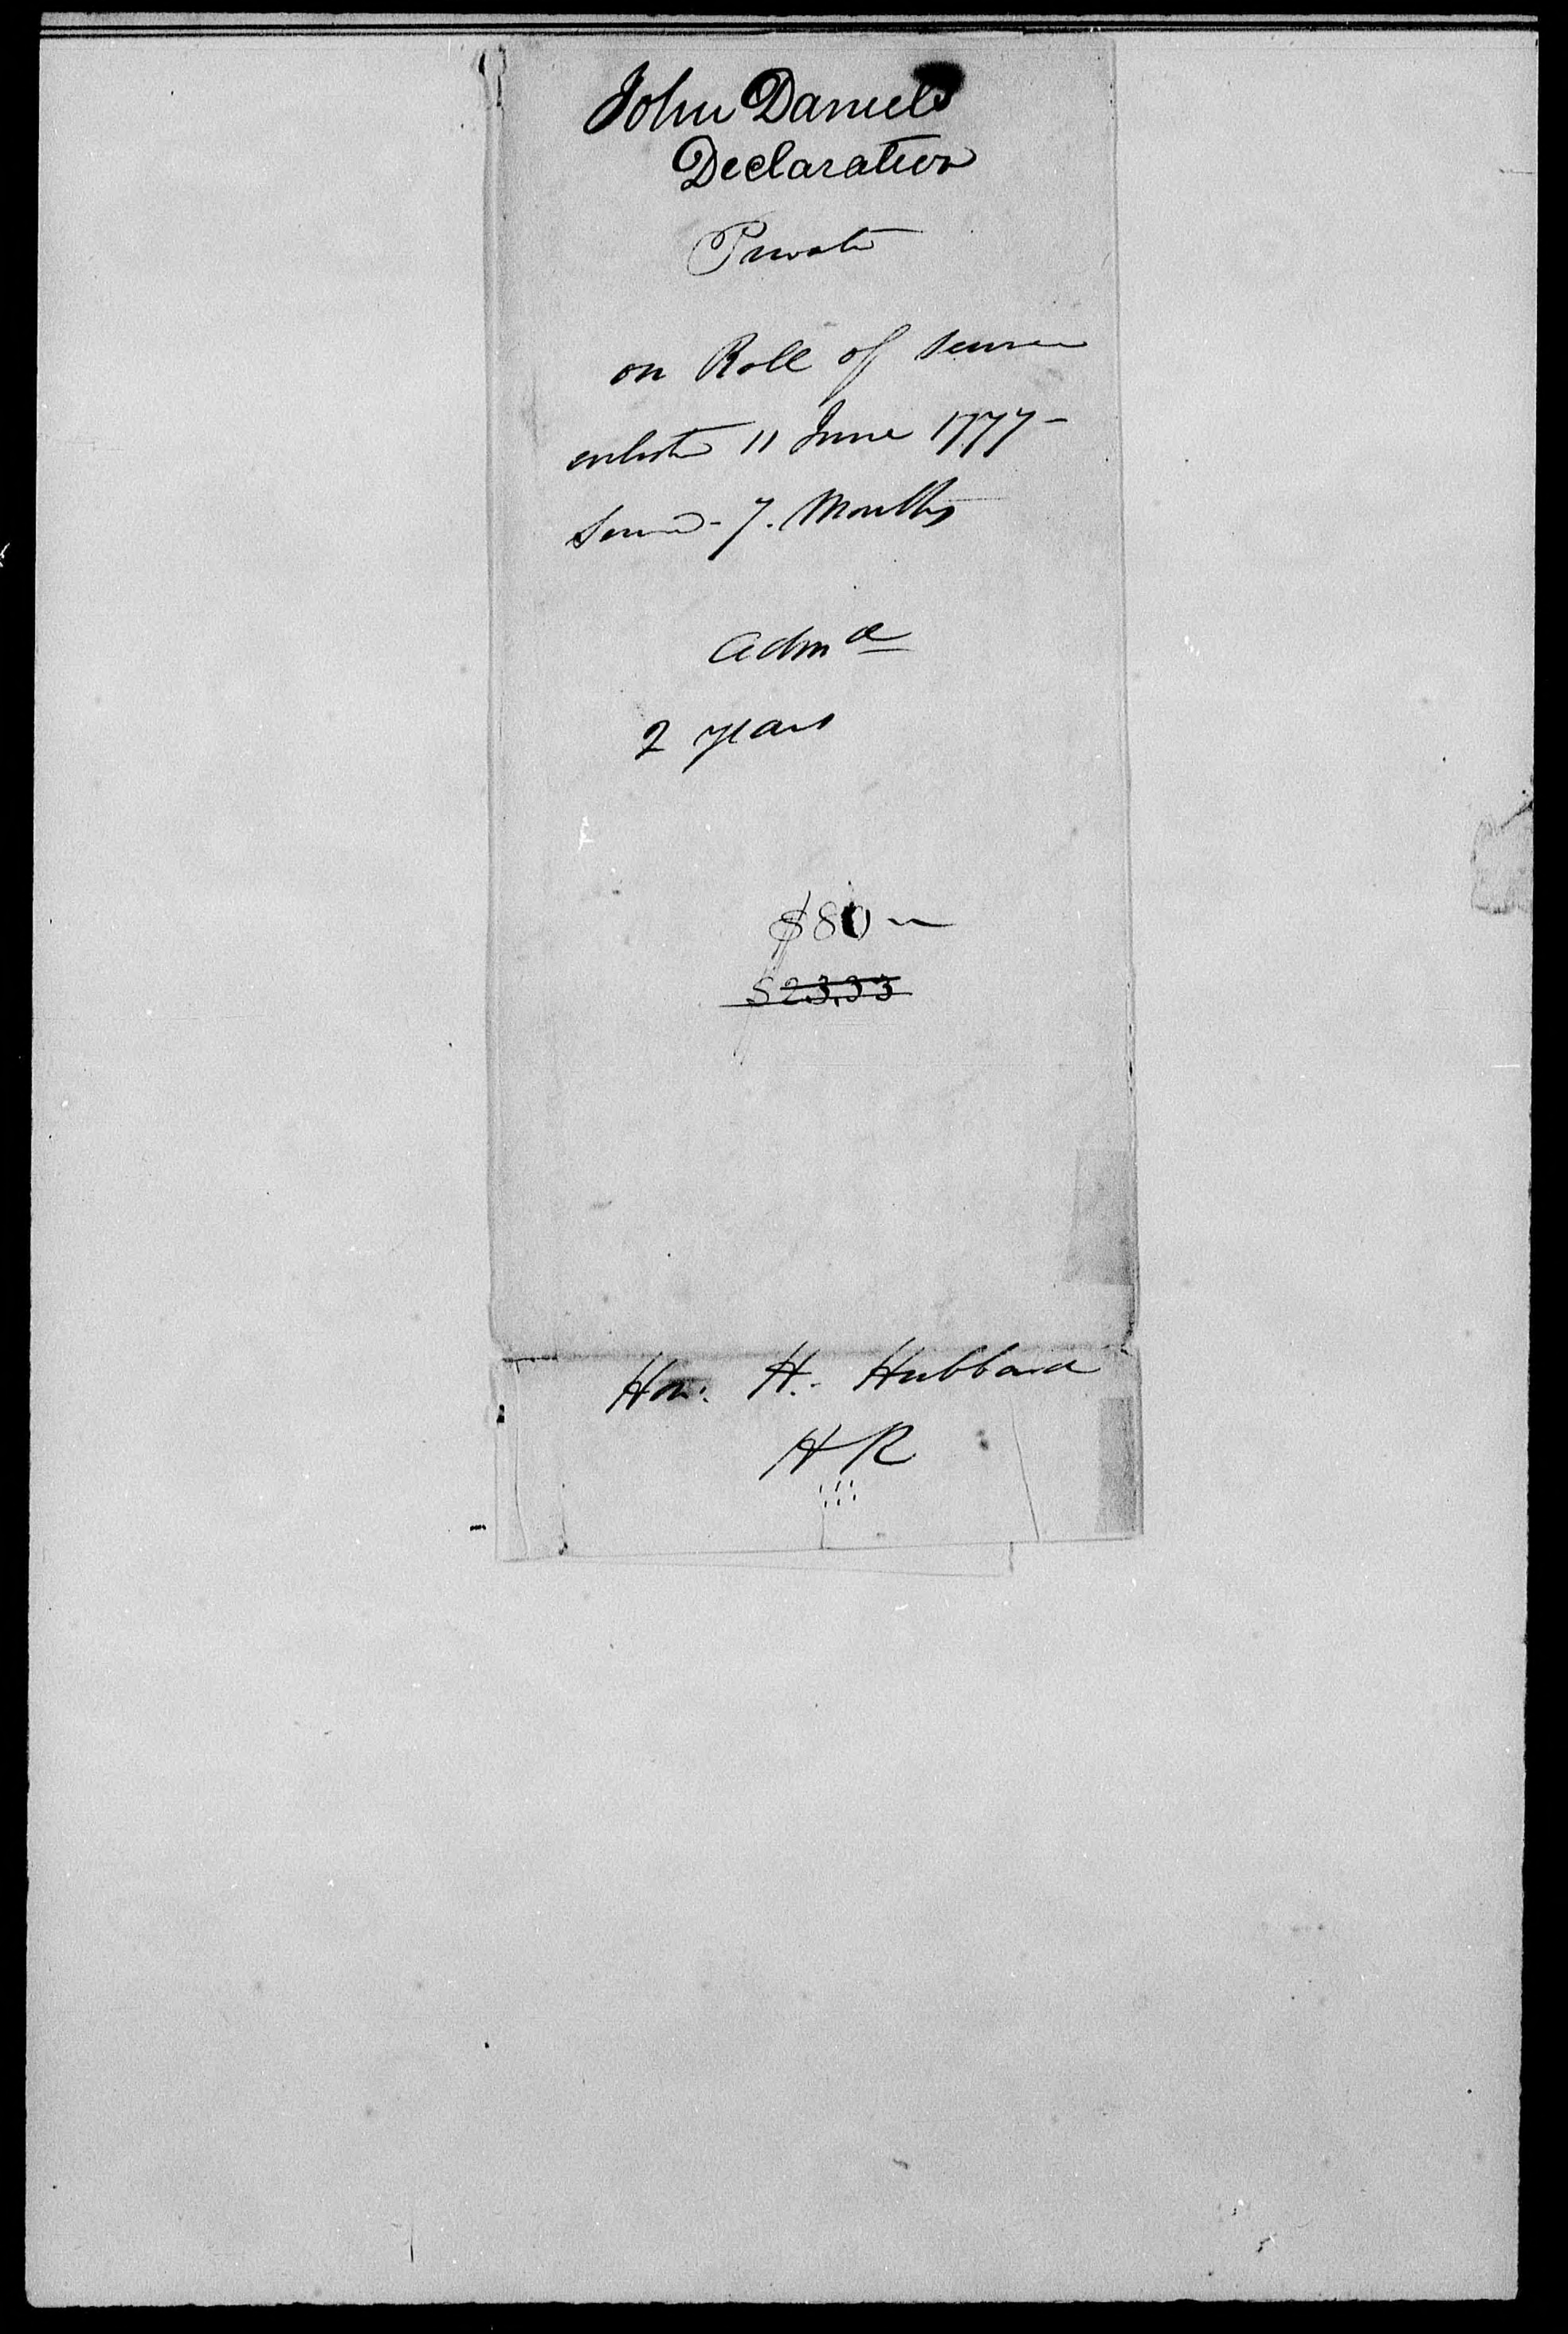John Daniels 
Declaration 
Private
on Roll of Service 
enlisted 11 June 1777
Served 7 month
Adm'd
2 years

$80--

Hon. H. Hubbard
H.R.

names: H Hubbard, John Daniels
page: 3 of 43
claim: widow's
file: W 683, John Daniels, Continental Mass. N.H.